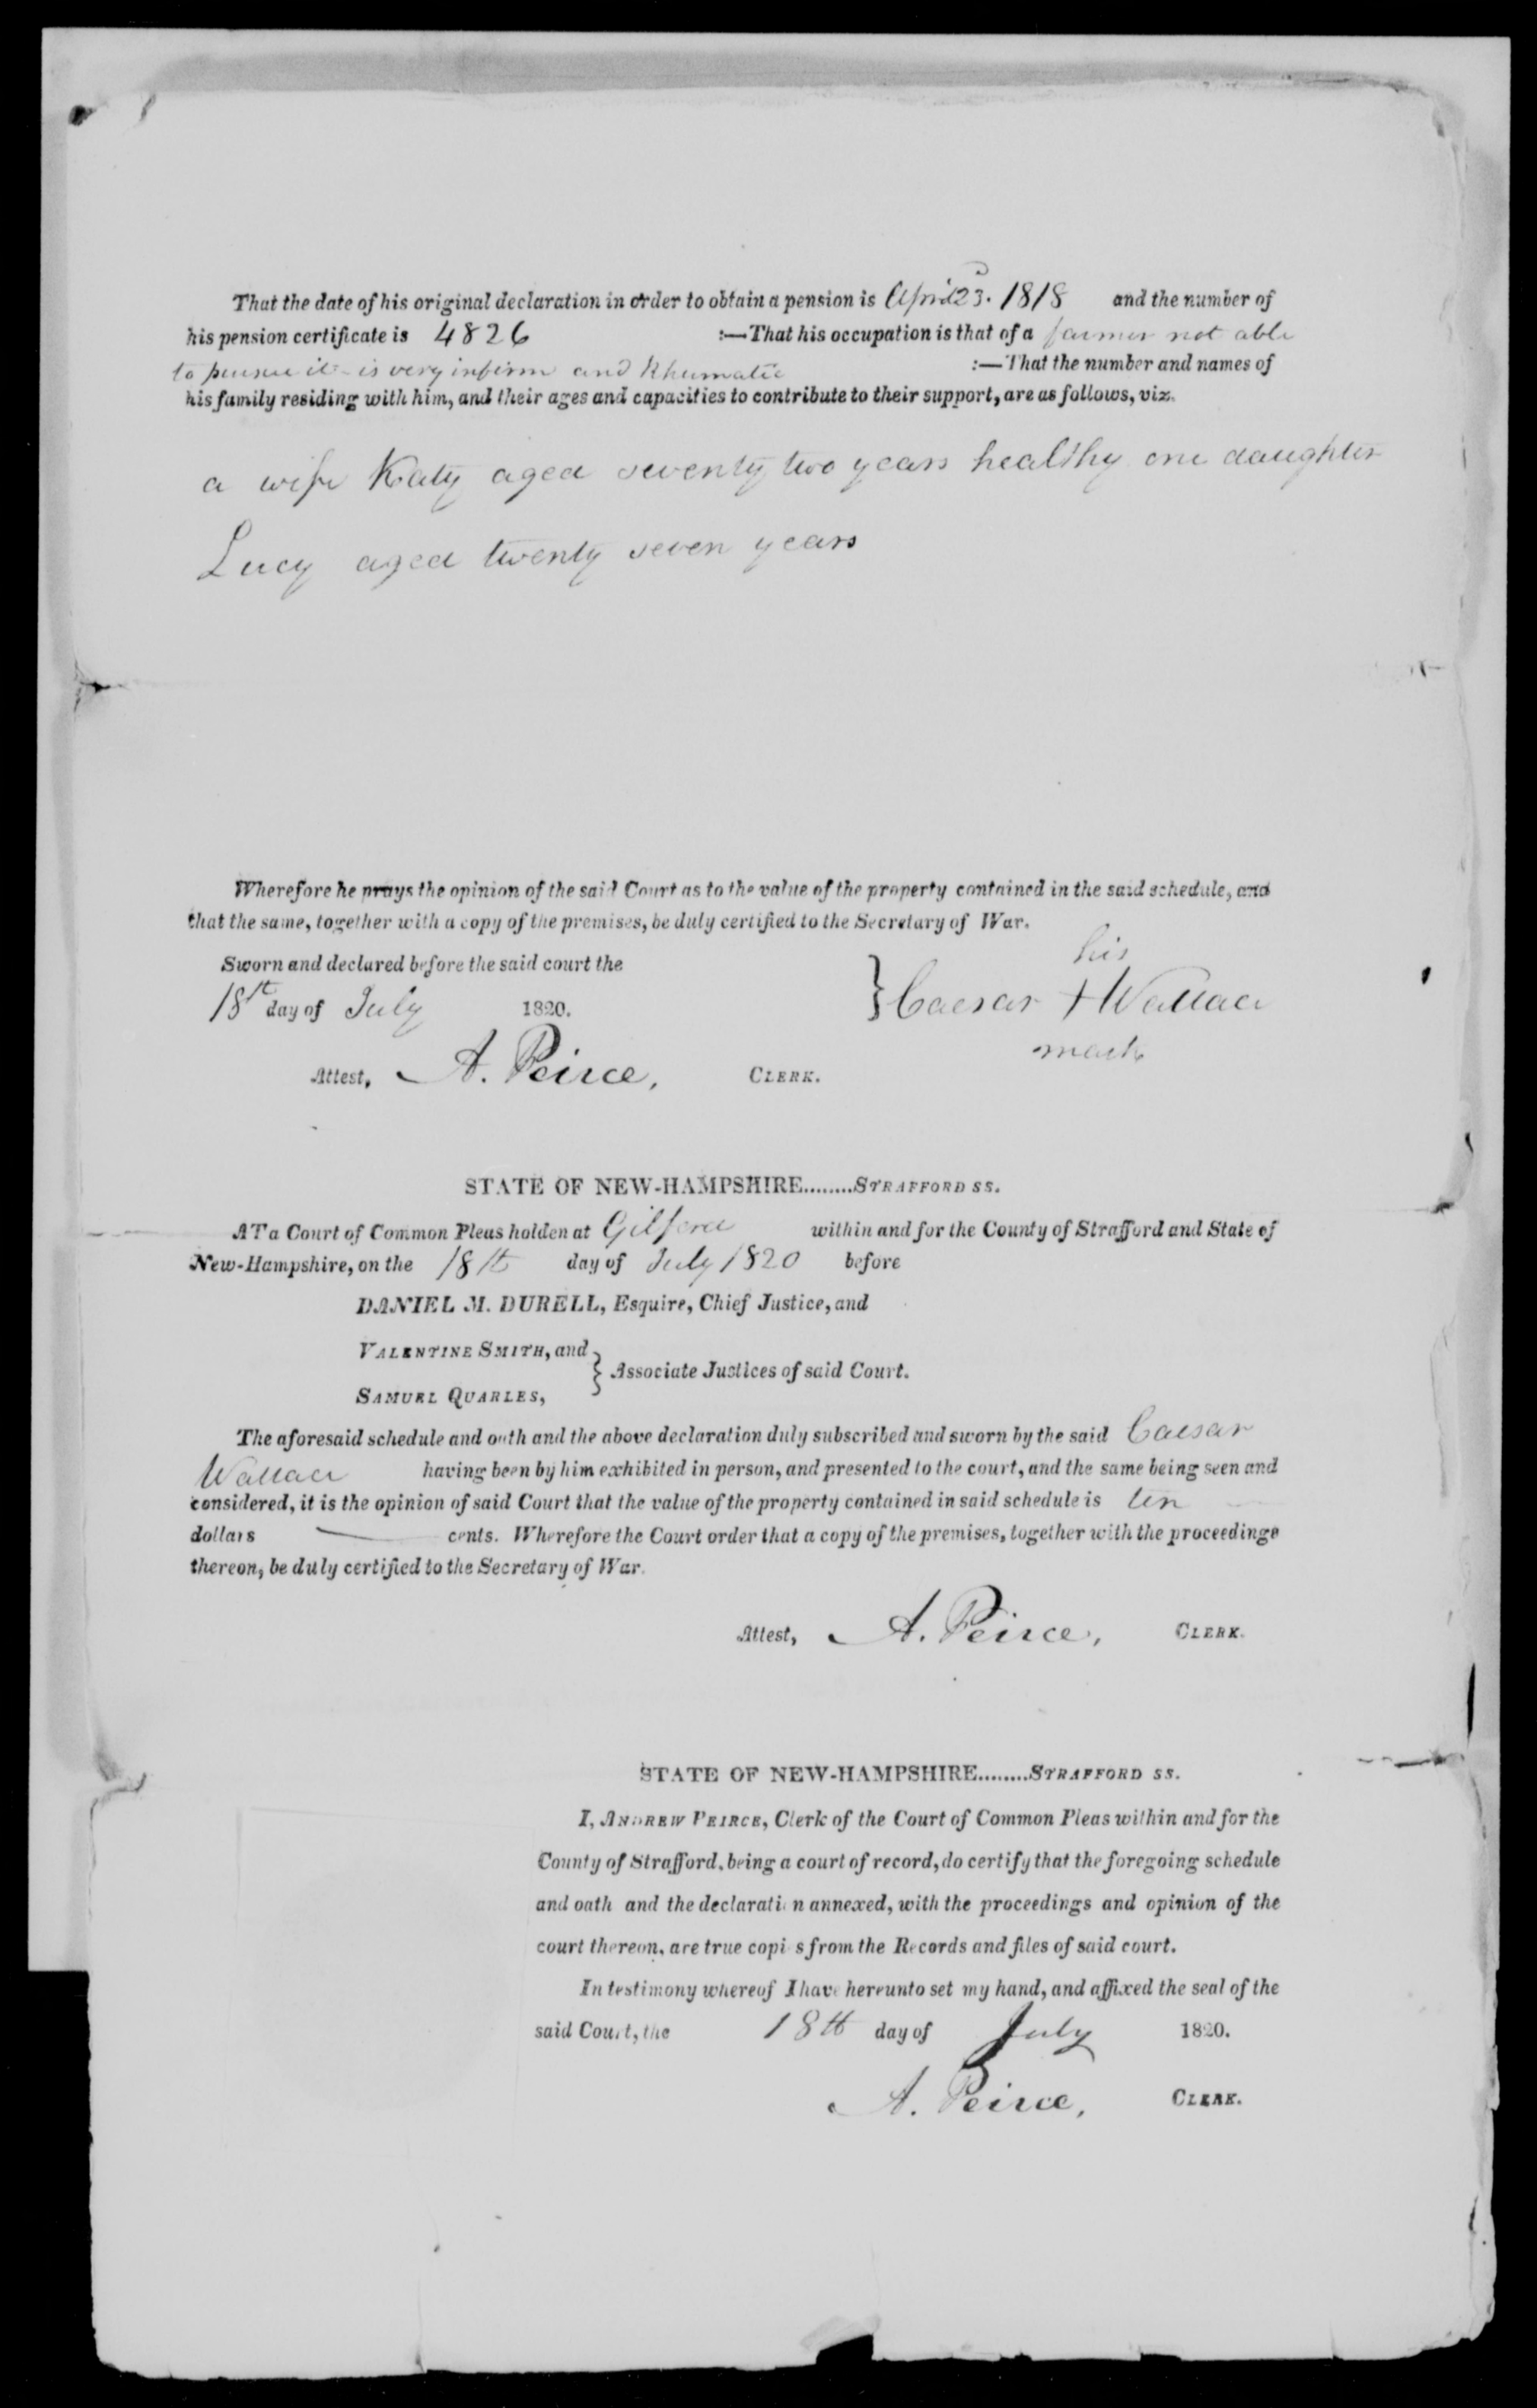That the date of his original declaration in order to obtain a pension is April 23. 1818 and the number of his pension certificate is 4826 :--That his occupation is that of a farmer not able to pursue it - is very infirm and Rheumatic :--That the number and names of his family residing with him and their ages and capacities to contribute to their support, are as follows, viz. a wife Katy aged seventy two years healthy one daughter Lucy aged twenty seven years

Wherefore he prays the opinion of the said Court as to the value of the property contained in the said schedule, and that the same, together with a copy of the premises, be duly certified to the Secretary of War.

Sworn and declared before the said court the 18th day of July 1820. } Caesar Wallace + his mark
Attest, A. Peirce, CLERK.

STATE OF NEW-HAMPSHIRE........STRAFFORD SS.

AT a Court of Common Pleas holden at Gilford within and for the County of Strafford and State of New-Hampshire, on the 18th day of July 1820 before

DANIEL M. DURELL, Esquire, Chief Justice, and
VALENTINE SMITH, and SAMUEL QUARLES, } Associate Justices of said Court.

The aforesaid schedule and oath and the above declaration duly subscribed and sworn by the said Caesar Wallace having been by him exhibited in person, and presented to the court, and the same being seen and considered, it is the opinion of said Court that the value of the property contained in said schedule is ten dollars and - cents.  Wherefore the Court order that a copy of the premises, together with the proceedings thereon, be duly certified to the Secretary of War.

Attest, A. Peirce, CLERK.

STATE OF NEW-HAMPSHIRE........STRAFFORD SS.

I, ANDREW PEIRCE, Clerk of the Court of Common Pleas within and for the County of Strafford, being a court of record, do certify that the foregoing schedule and oath and the declaration annexed, with the proceedings and opinion of the court thereon, are true copies from the Records and files of said court. 

In testimony whereof I have hereunto set my hand, and affixed the seal of the said Court, the 18th day of July 1820.

A. Peirce, CLERK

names: Caesar Wallace, Samuel Quarles, Katy, Lucy, A Peirce, Valentine Smith, A Peirce, Daniel M Durell, Andrew Peirce, Caesar Wallace, A Peirce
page: 7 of 9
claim: survivor's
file: S. 43,250, Caesar Wallace, N.H.